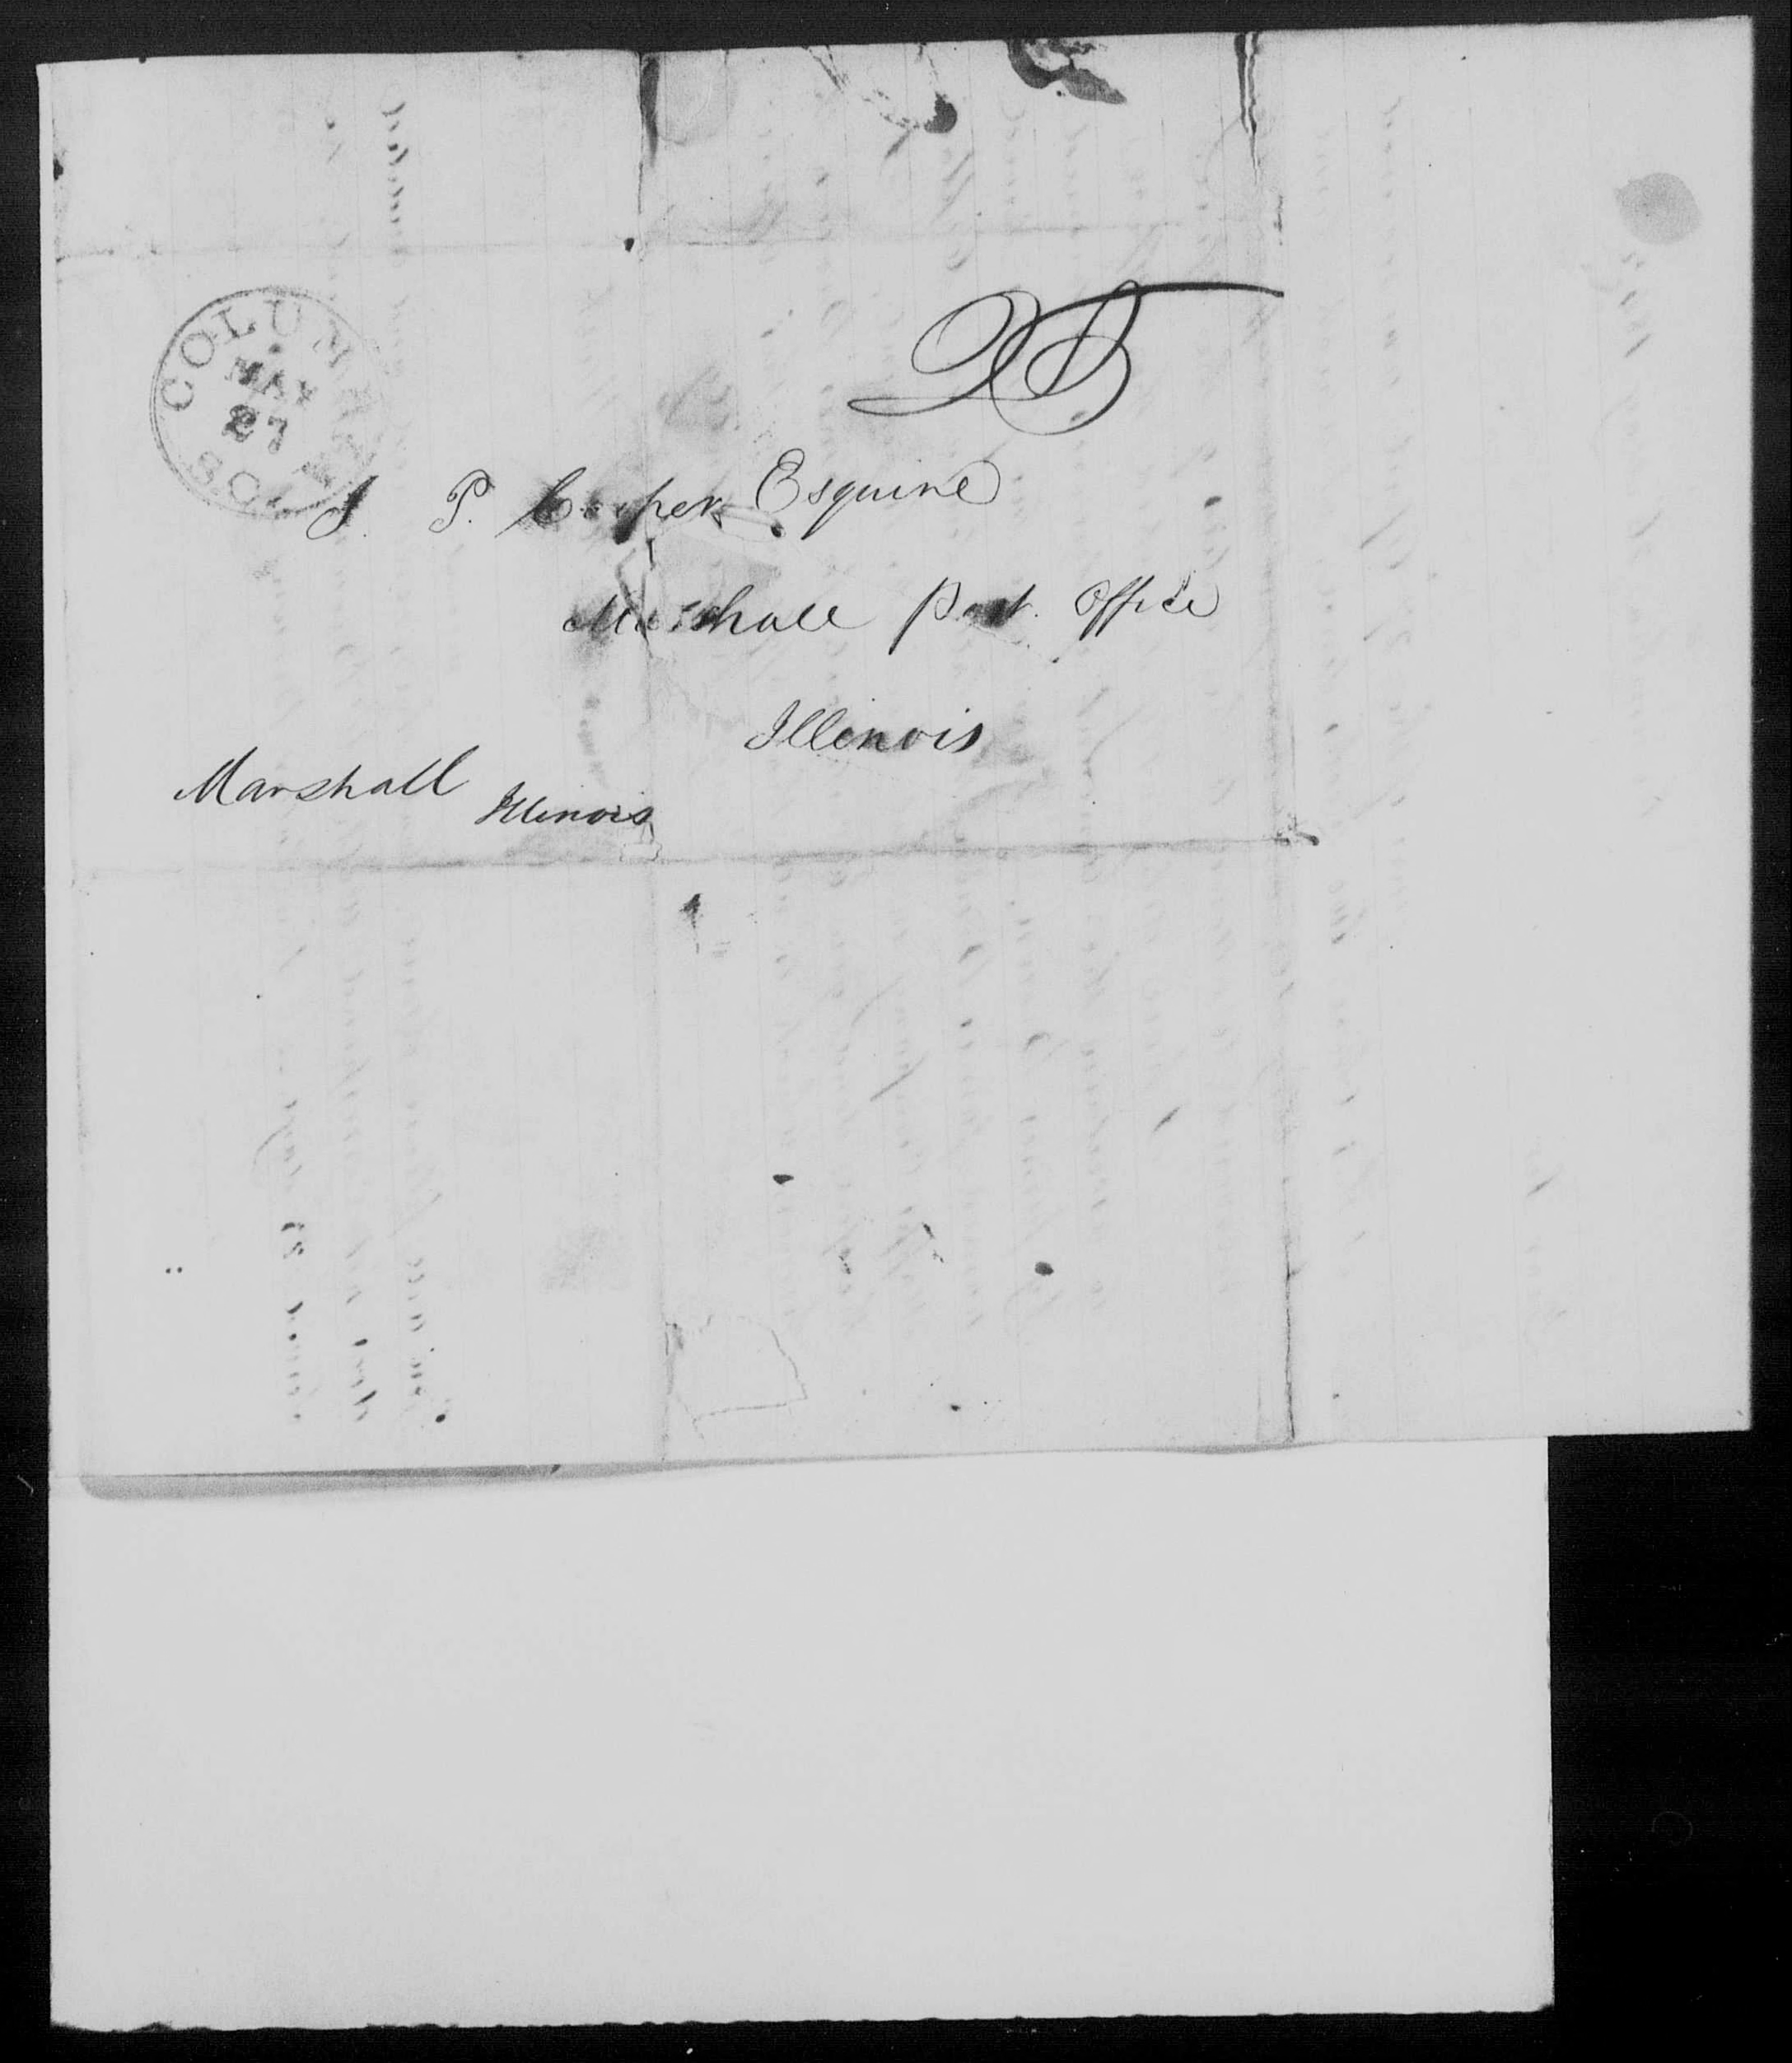[stamp] COLUMBIA SC MAY 27
JPC
JP Cooper Esquire
Marshall Post Office
Illinois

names: J P Cooper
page: 38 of 41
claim: rejected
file: R. 1309, James Brown, S.C.